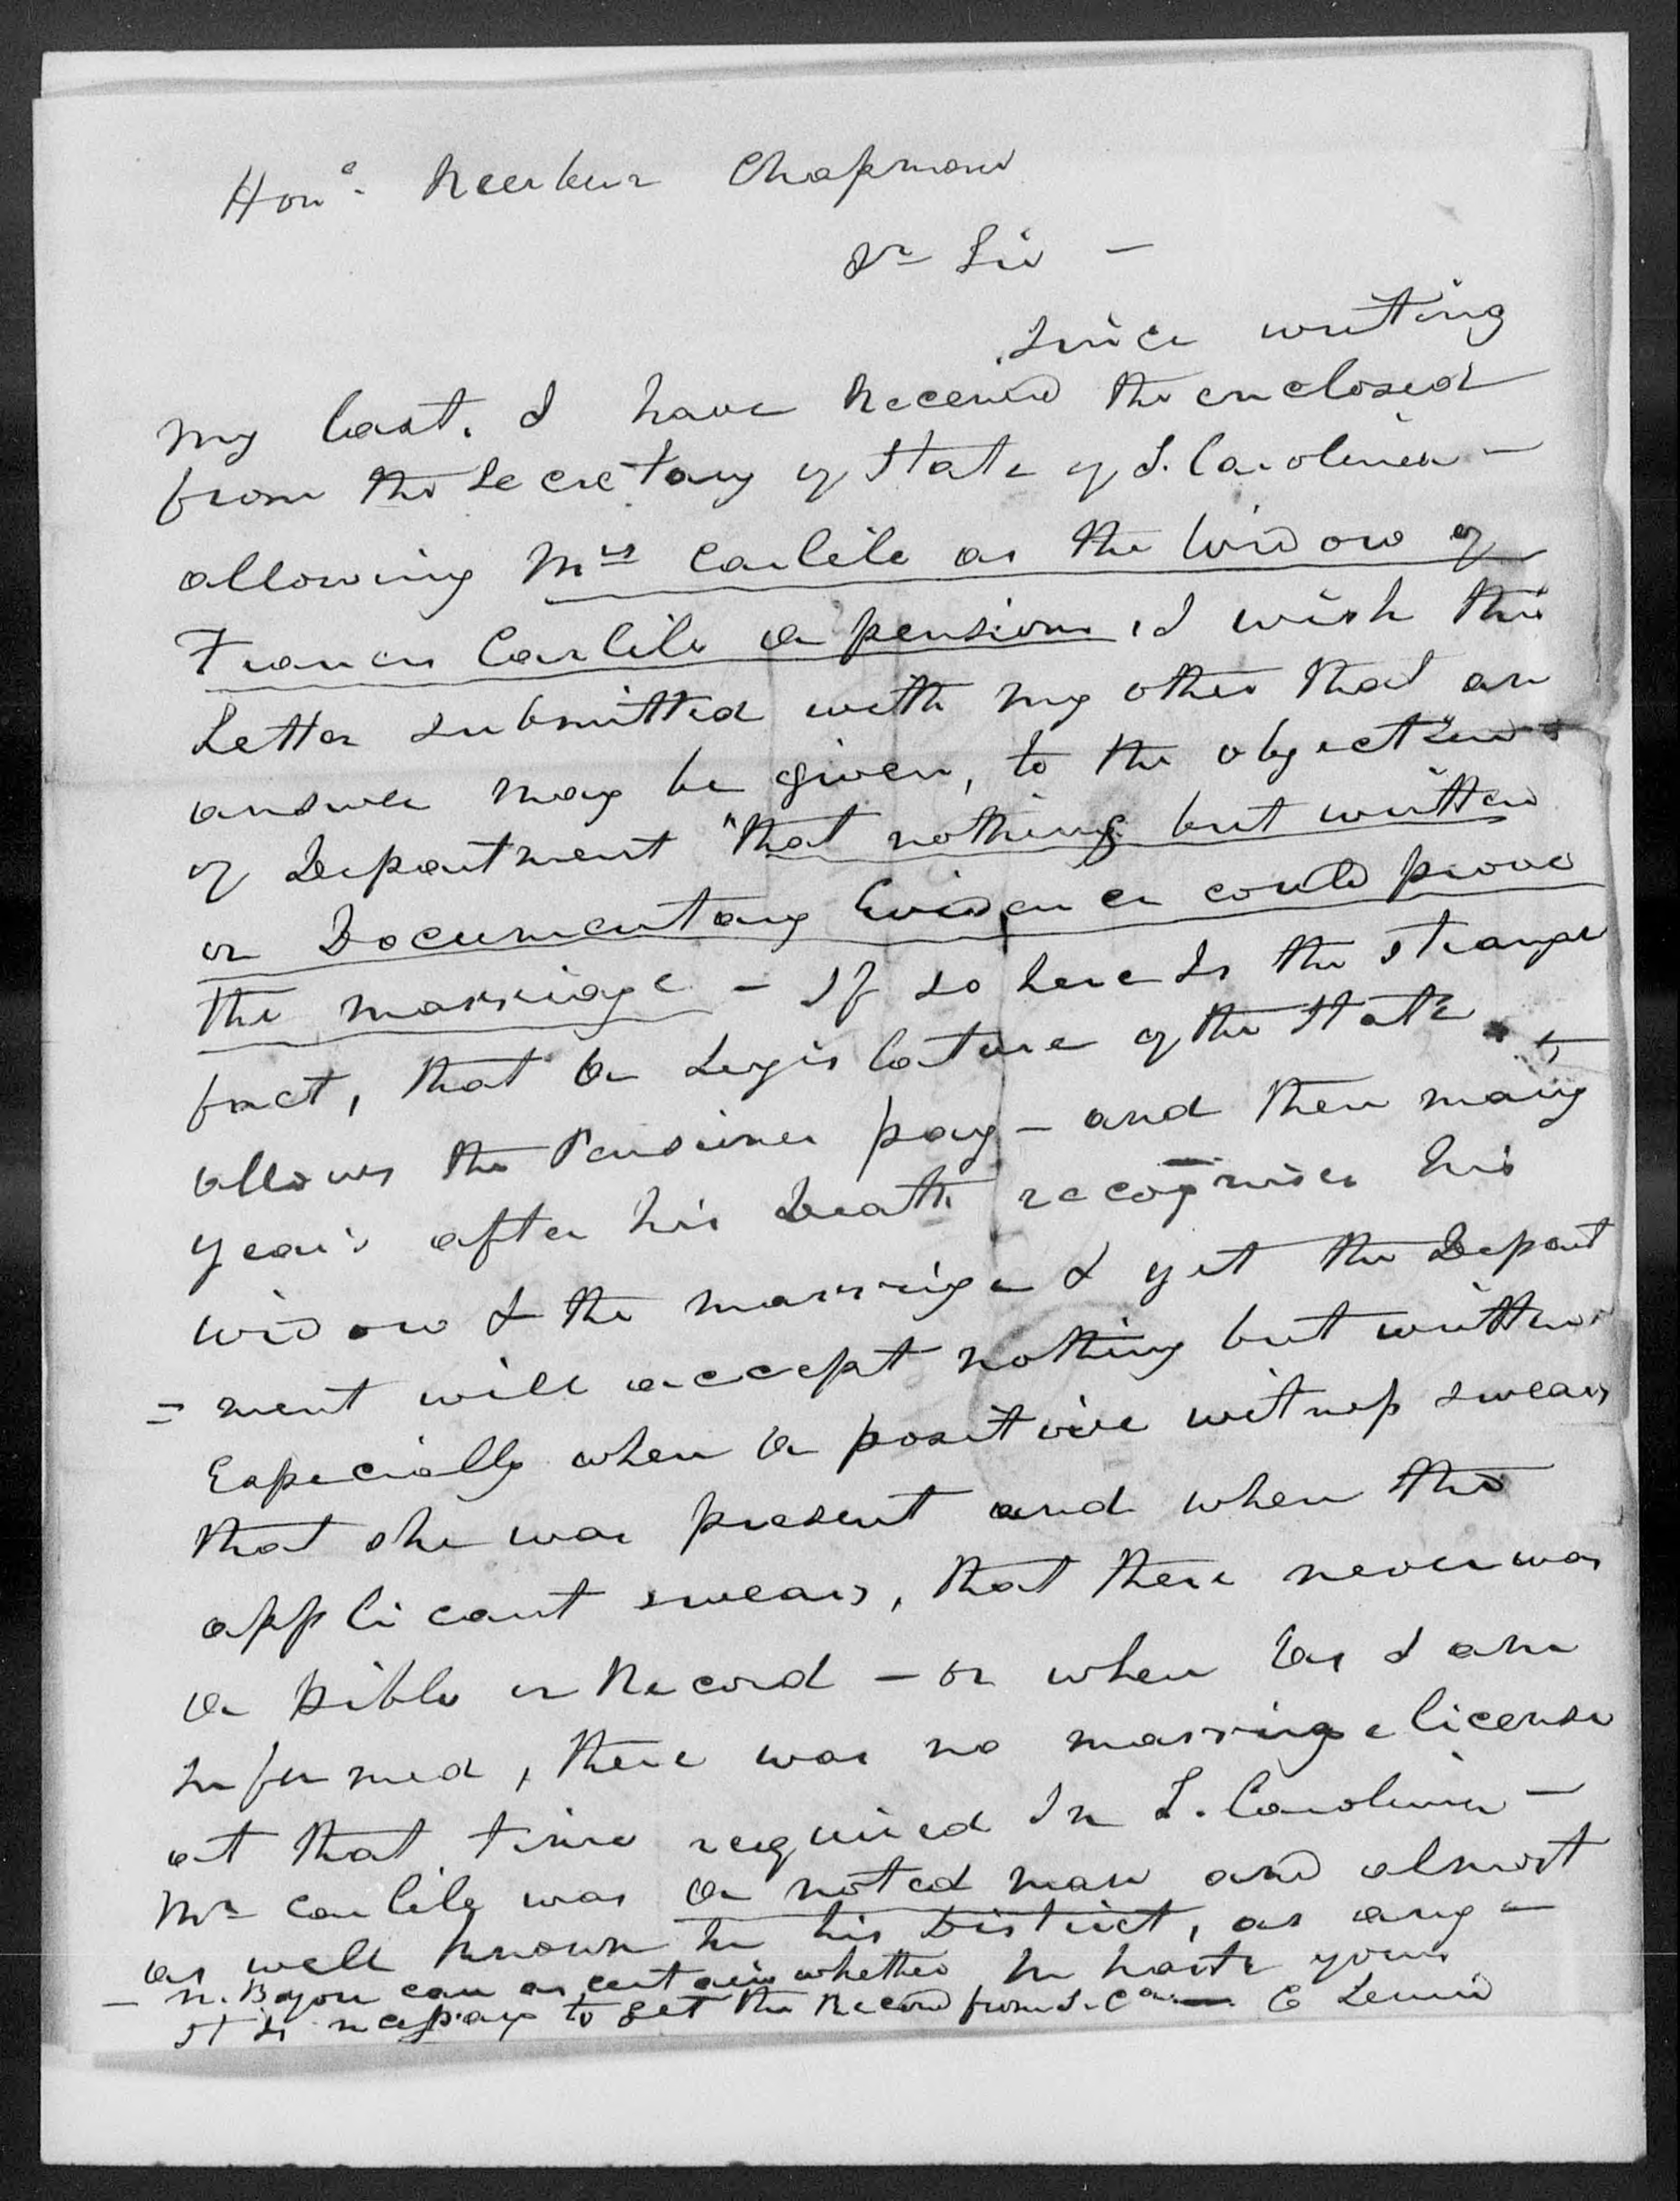Honl. Reuben Chapman
Dr Sir -
Since writing my best. I have received the enclosed from the Secretary of State of S. Carolina allowing Mrs Carlile as the widow of Francis Carlile a pension. I wish this letter submitted with my others that an answer may be given, to the objection of Department "that nothing but written or Documentary Evidence could prove the marriage - If so here is the strange fact, that the Legislature of the State allows the Pensioner pay - and then many year's after his death recognizes his widow & the marriage & yet the Department will accept nothing but written Especially when a positive witness swears that she was present and when this applicant swears, that there never was a bible or Record - or when by I am informed, there was no marriage license at that time required In S. Carolina - Mr Carlile was a noted now once almost as well known in his District, as any - -N. Bayou can ascertain whether in haste [illegible] pays to get new record from F. Carlisle
Yours
C Lewis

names: Reuben Chapman, Carlile, C Lewis, Francis Carlile, Carlile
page: 81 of 91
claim: widow's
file: W. 10576, Francis Carlisle, S.C.